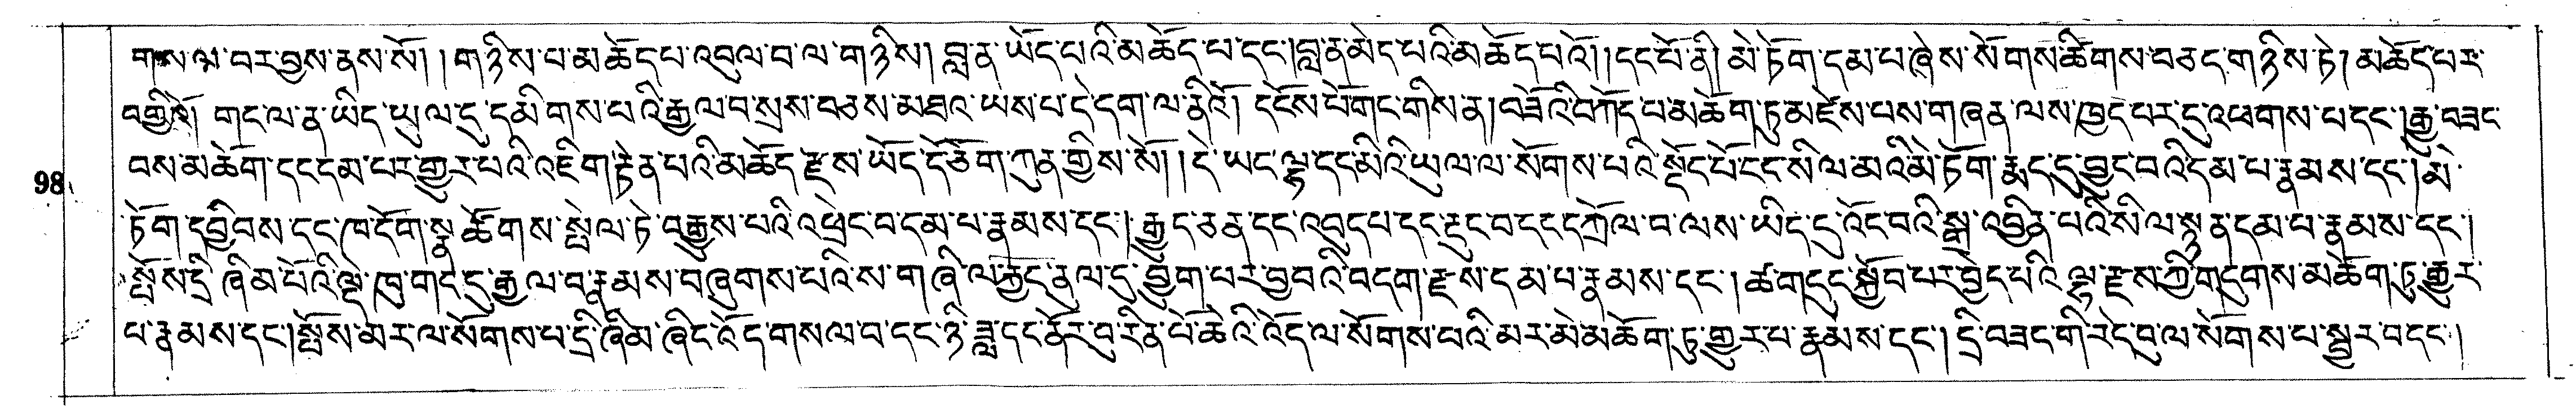གསལ་བར་བྱས་ནས་སོ། །གཉིས་པ་མཆོད་པ་འབུལ་བ་ལ་གཉིས། བླ་ན་ཡོད་པའི་མཆོད་པ་དང་། བླ་ན་མེད་པའི་མཆོད་པའོ། །དང་པོ་ནི། མེ་ཏོག་དམ་པ་ཞེས་སོགས་ཚིགས་བཅད་གཉིས་ཏེ། མཆོད་པར་
བགྱིའོ། གང་ལ་ན་ཡིད་ཡུལ་དུ་དམིགས་པའི་རྒྱལ་བ་སྲས་བཅས་མཐའ་ཡས་པ་དེ་དག་ལ་ནིའོ། དངོས་པོ་གང་གིས་ན། བཟོའི་བཀོད་པ་མཆོག་ཏུ་མཛེས་པས་གཞན་ལས་ཁྱད་པར་དུ་འཕགས་པ་དང་། རྒྱུ་བཟང་
བས་མཆོག་དང་དམ་པར་གྱུར་པའི་འཇིག་རྟེན་པའི་མཆོད་རྫས་ཡོད་དོ་ཅོག་ཀུན་གྱིས་སོ། །དེ་ཡང་ལྷ་དང་མིའི་ཡུལ་ལ་སོགས་པའི་སྡོང་པོ་དང་སིལ་མའི་མེ་ཏོག་རྨད་དུ་བྱུང་བའི་དམ་པ་རྣམས་དང་། མེ་
ཏོག་དབྱིབས་དང་ཁ་དོག་སྣ་ཚོགས་སྤེལ་ཏེ་བརྒྱུས་པའི་འཕྲེང་བ་དམ་པ་རྣམས་དང་། རྒྱུད་ཅན་དང་འབུད་པ་དང་རྡུང་བ་དང་དཀྲོལ་བ་ལས་ཡིད་དུ་འོང་བའི་སྒྲ་འབྱིན་པའི་སིལ་སྙན་དམ་པ་རྣམས་དང་།
སྤོས་དྲི་ཞིམ་པོའི་ལྡེ་ཁུ་གང་དུ་རྒྱལ་བ་རྣམས་བཞུགས་པའི་ས་གཞི་ལ་རྐྱང་ནུལ་དུ་བྱུག་པར་བྱ་བའི་བདག་རྫས་དམ་པ་རྣམས་དང་། ཚ་གདུང་སྐྱོབ་པར་བྱེད་པའི་ལྷ་རྫས་ཀྱི་གདུགས་མཆོག་ཏུ་རྒྱུར་
པ་རྣམས་དང་། སྤོས་མར་ལ་སོགས་པ་དྲི་ཞིམ་ཞིང་འོད་གསལ་བ་དང་ཉི་ཟླ་དང་ནོར་བུ་རིན་པོ་ཆེའི་འོད་ལ་སོགས་པའི་མར་མེ་མཆོག་ཏུ་གྱུར་པ་རྣམས་དང་། དྲི་བཟང་གི་རེད་བུ་ལ་སོགས་པ་སྦྱར་བ་དང་།